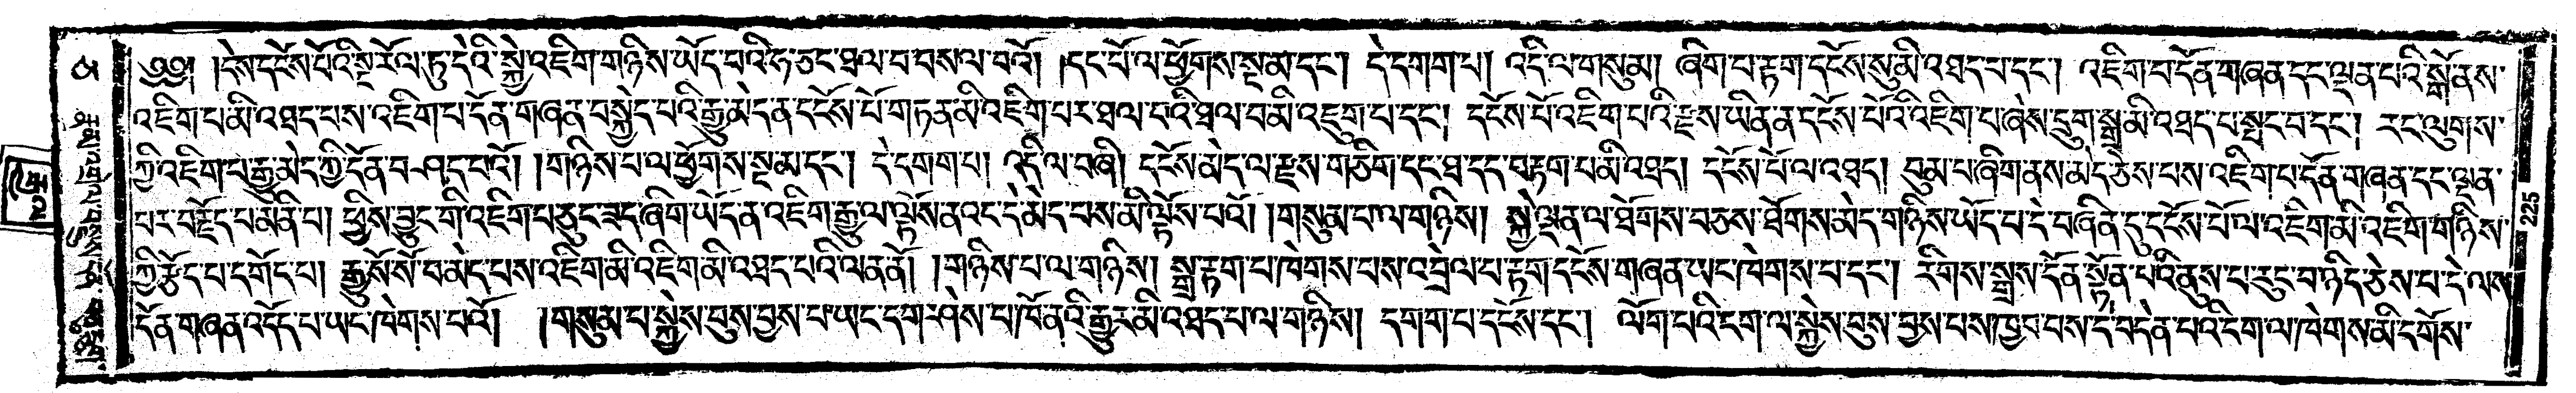༄༅། །དེས་དངོས་པོའི་སྔ་རོལ་ཏུ་དེའི་སྐྱེ་འཇིག་གཉིས་ཡོད་པའི་ཧ་ཅང་ཐལ་བ་བསལ་བའོ། །དང་པོ་ལ་ཕྱོགས་སྔ་མ་དང་། དེ་དགག་པ། འདི་ལ་གསུམ། ཞིག་པ་རྟག་དངོས་སུ་མི་འཐད་པ་དང་། འཇིག་པ་དོན་གཞན་དང་ལྡན་པའི་སྒོ་ནས་
འཇིག་པ་མི་འཐད་པས་འཇིག་པ་དོན་གཞན་བསྐྱེད་པའི་རྒྱུ་མེད་ན་དངོས་པོ་གཏན་མི་འཇིག་པར་ཐལ་བའི་ཐལ་བ་མི་འཇུག་པ་དང་། དངོས་པོ་འཇིག་པའི་རྫས་ཡིན་ན་དངོས་པོའི་འཇིག་པ་ཞེས་དྲུག་སྒྲ་མི་འཐད་པ་སྤང་བ་དང་། རང་ལུགས་
ཀྱི་འཇིག་པ་རྒྱུ་མེད་ཀྱི་དོན་བཤད་པའོ། །གཉིས་པ་ལ་ཕྱོགས་སྔ་མ་དང་། དེ་དགག་པ། འདི་ལ་བཞི། དངོས་མེད་ལ་རྫས་གཅིག་དང་ཐ་དད་བརྟག་པ་མི་འཐད། དངོས་པོ་ལ་འཐད། བུམ་པ་ཞིག་ནས་མེད་ཅེས་པས་འཇིག་པ་དོན་གཞན་དང་ལྡན་
པར་བརྗོད་པ་མིན་པ། ཕྱིས་བྱུང་གི་འཇིག་པ་ཅུང་ཟད་ཞིག་ཡོད་ན་འཇིག་རྒྱུ་ལ་ལྟོས་ནའང་དེ་མེད་པས་མི་ལྟོས་པའོ། །གསུམ་པ་ལ་གཉིས། སྐྱེ་ལྡན་ལ་ཐོགས་བཅས་ཐོགས་མེད་གཉིས་ཡོད་པ་དེ་བཞིན་དུ་དངོས་པོ་ལ་འཇིག་མི་འཇིག་གཉིས་
ཀྱི་རྩོད་པ་དགོད་པ། རྒྱུ་སོ་སོ་བ་མེད་པས་འཇིག་མི་འཇིག་མི་འཐད་པའི་ལན་ནོ། །གཉིས་པ་ལ་གཉིས། སྒྲ་རྟག་པ་ཁེགས་པས་འབྲེལ་པ་རྟག་དངོས་གཞན་ཡང་ཁེགས་པ་དང་། རིགས་སྒྲས་དོན་སྟོན་པའི་ནུས་པ་རུང་བ་ཉིད་ཅེས་པ་དེ་ལས་
དོན་གཞན་འདོད་པ་ཡང་ཁེགས་པའོ། །གསུམ་པ་སྐྱེས་བུས་བྱས་པ་ཡང་དག་ཤེས་པ་ཁོ་ནའི་རྒྱུར་མི་འཐད་པ་ལ་གཉིས། དགག་པ་དངོས་དང་། ལོག་པའི་ངག་ལ་སྐྱེས་བུས་བྱས་པས་ཁྱབ་པས་དེ་བདེན་པའི་དག་ལ་ཁེགས་མི་དགོས་